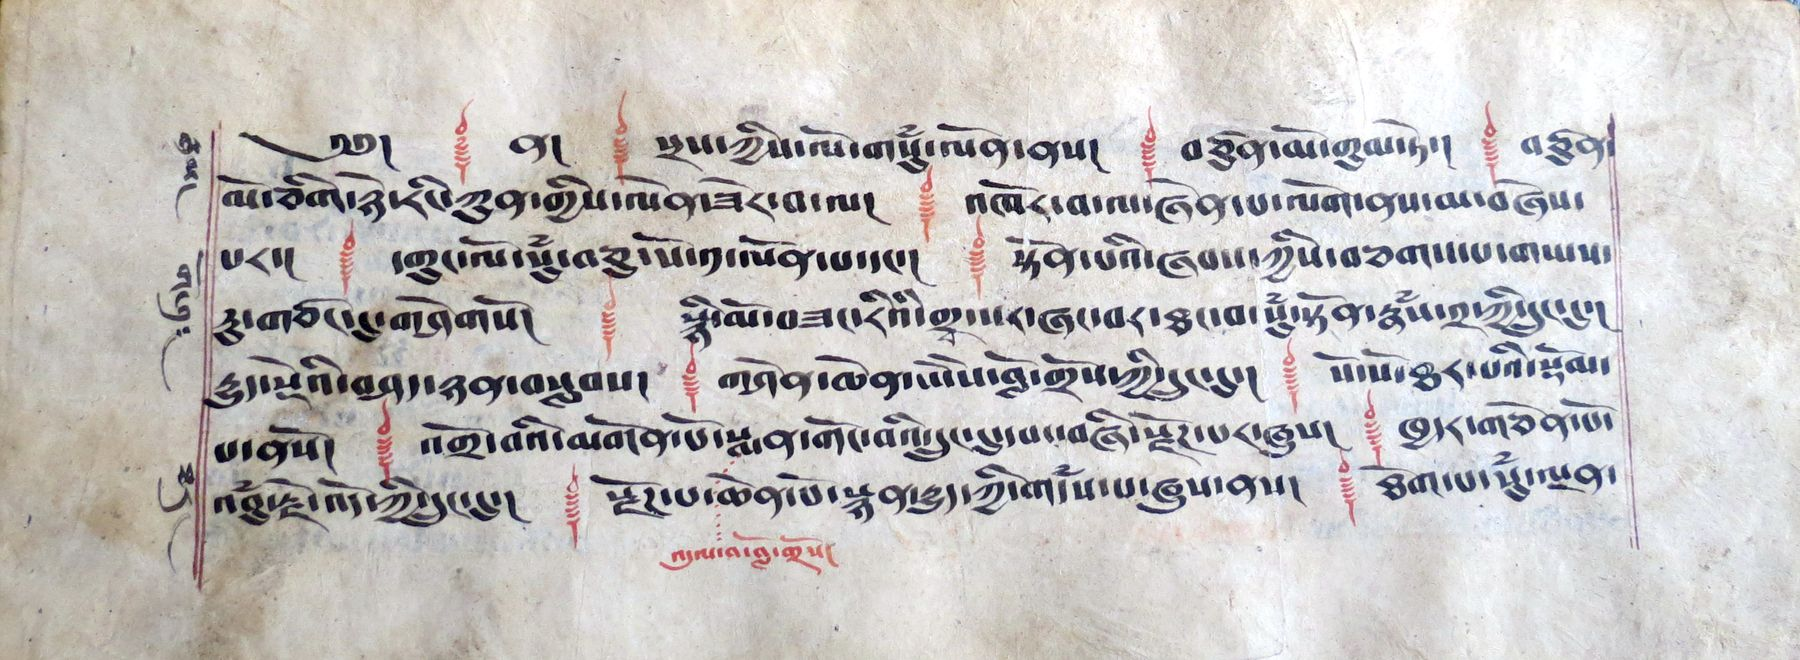ན། སྲས་ཀྱི་ལོ་གསུམ་ལོན་ནས་བཙུན་མོ་གུམ་སྟེ། བཙུན་
མོ་གཅིག་ཉེ་རིང་ཀུན་གྱིས་ལེན་ཟེར་བ་ལ། འཁོར་བ་ལ་ཞེན་པ་ལོག་ནས་མ་བཞེས་
པར། དགུང་ལོ་སུམ་ཅུ་སོ་གཅིག་ལོན་པ་དང་། སྟོན་པའི་ཞབས་ཀྱིས་བཅག་ས་གཡས་
རུ་གཙང་དུ་གཤེགས་སོ། ། སྙི་མོ་བཟང་རིའི་གྲྭ་སར་ཞང་བར་ཐང་པ་སུམ་སྟོན་རྣམ་གཉིས་ཀྱི་དྲུང་དུ། 
རྒྱུད་སྡེ་བཤད་ཉན་བསླབས། གཤེན་ཆེན་ཡེ་ཤེས་བློ་གྲོས་ཀྱི་དྲུང་དུ། སོ་སོ་ཐར་པའི་སྡོམ་
པ་མནོས། འགྲོ་བའི་མགོན་པོ་སྨན་གོང་པའི་དྲུང་དུ་དབང་བཞི་རྫོགས་པར་ཞུས། ཁྱད་པར་གཅེན་པོ་
འབུམ་རྗེ་འོད་ཀྱི་དྲུང་དུ། རྫོགས་པ་ཆེན་པོ་སྙན་རྒྱུད་ཀྱི་གདམས་ངག་ཞུས་ནས། ཐེག་པ་གསུམ་ལྡན་